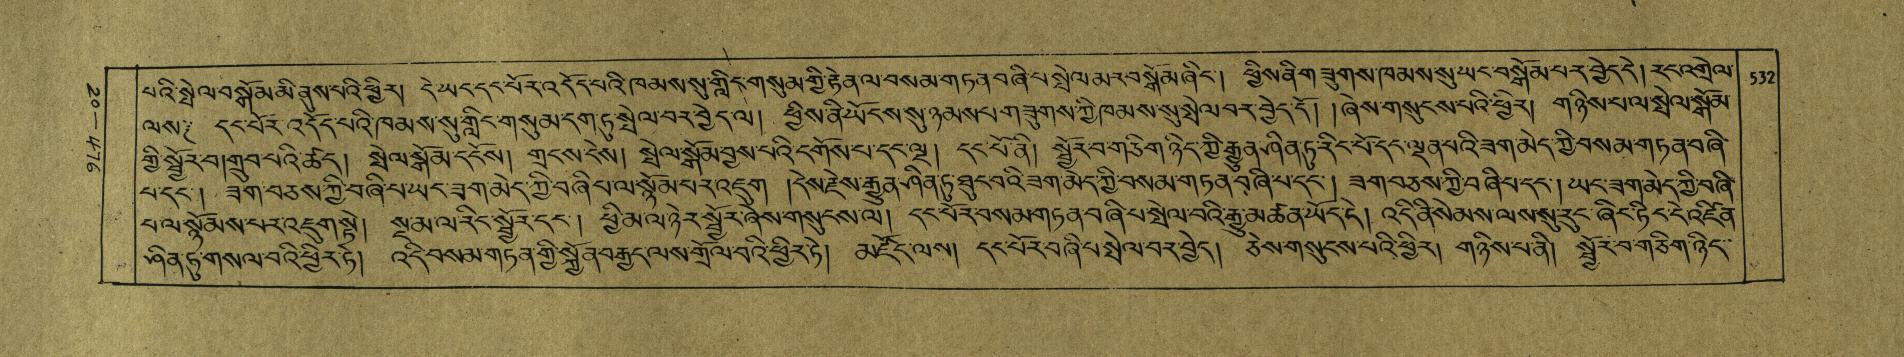པའི་སྤེལ་བསྒོམ་མི་ནུས་པའི་ཕྱིར། དེ་ཡང་དང་པོར་འདོད་པའི་ཁམས་སུ་གླིང་གསུམ་གྱི་རྟེན་ལ་བསམ་གཏན་བཞི་པ་སྤེལ་མར་བསྒོམ་ཞིང་། ཕྱིས་ནི་གཟུགས་ཁམས་སུ་ཡང་བསྒོམ་པར་བྱེད་དེ། རང་འགྲེལ་
ལས༑ དང་པོར་འདོད་པའི་ཁམས་སུ་གླིང་གསུམ་དག་ཏུ་སྤེལ་བར་བྱེད་ལ། ཕྱིས་ནི་ཡོངས་སུ་ཉམས་པ་གཟུགས་ཀྱི་ཁམས་སུ་སྤེལ་བར་བྱེད་དོ། །ཞེས་གསུངས་པའི་ཕྱིར། གཉིས་པ་ལ་སྤེལ་སྒོམ་
གྱི་སྦྱོར་བ། གྲུབ་པའི་ཚད། སྤེལ་སྒོམ་དངོས། གྲངས་ངེས། སྤེལ་སྒོམ་བྱས་པའི་དགོས་པ་དང་ལྔ། དང་པོ་ནི། སྦྱོར་བ་གཅིག་ཉིད་ཀྱི་རྒྱུན་ཤིན་ཏུ་རིང་པོ་དང་ལྡན་པའི་ཟག་མེད་ཀྱི་བསམ་གཏན་བཞི་
པ་དང་། ཟག་བཅས་ཀྱི་བཞི་པ་ཡང་ཟག་མེད་ཀྱི་བཞི་པ་ལ་སྙོམ་པར་འཇུག །དེས་རྗེས་རྒྱུན་ཤིན་ཏུ་ཐུང་བའི་ཟག་མེད་ཀྱི་བསམ་གཏན་བཞི་པ་དང་། ཟག་བཅས་ཀྱི་བཞི་པ་དང་། ཡང་ཟག་མེད་ཀྱི་བཞི་
པ་ལ་སྙོམས་པར་འཇུག་སྟེ། སྔ་མ་ལ་རིང་སྦྱོར་དང་། ཕྱི་མ་ལ་ཉེར་སྦྱོར་ཞེས་གསུངས་ལ། དང་པོར་བསམ་གཏན་བཞི་པ་སྤེལ་བའི་རྒྱུ་མཚན་ཡོད་དེ། འདི་ནི་སེམས་ལས་སུ་རུང་ཞིང་ཏིང་ངེ་འཛིན་
ཤིན་ཏུ་གསལ་བའི་ཕྱིར་ཏེ། འདི་བསམ་གཏན་གྱི་སྐྱོན་བརྒྱད་ལས་གྲོལ་བའི་ཕྱིར་ཏེ། མཛོད་ལས། དང་པོར་བཞི་པ་སྤེལ་བར་བྱེད། ཅེས་གསུངས་པའི་ཕྱིར། གཉིས་པ་ནི། སྦྱོར་བ་གཅིག་ཉིད་